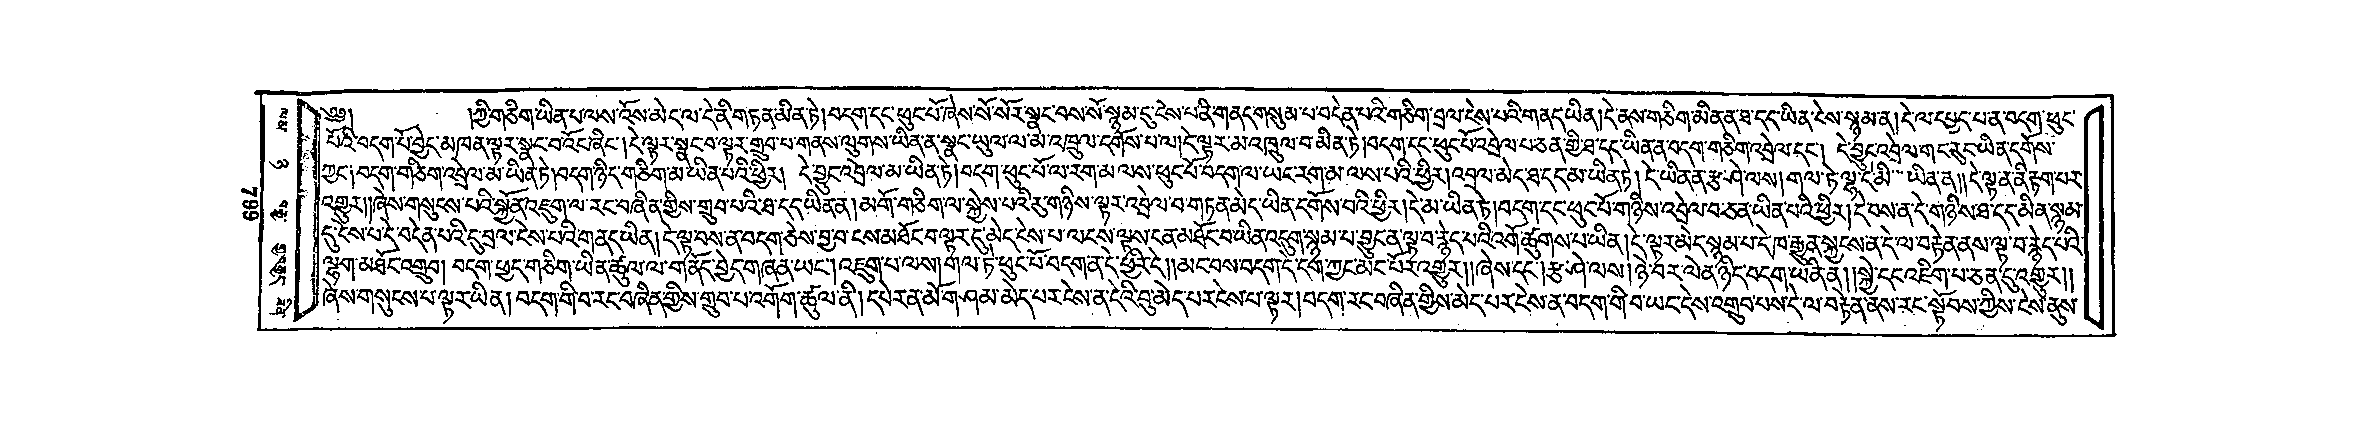༄༅། །ཀྱི་གཅིག་ཡིན་པ་ལས་འོས་མེད་ལ་དེ་ནི་གཏན་མིན་ཏེ། བདག་དང་ཕུང་པོ་ཞེས་སོ་སོར་སྣང་བས་སོ་སྙམ་དུ་ངེས་པ་ནི་གནད་གསུམ་པ་བདེན་པའི་གཅིག་བྲལ་ངེས་པའི་གནད་ཡིན། དེ་ནས་གཅིག་མིན་ན་ཐ་དད་ཡིན་ངེས་སྙམ་ན། དེ་ལ་དཔྱད་པ་ན་བདག་ཕུང་
པོའི་བདག་པོ་བྱེད་མཁན་ལྟར་སྣང་བ་འོང་ཞིང་། དེ་ལྟར་སྣང་བ་ལྟར་གྲུབ་པ་གནས་ལུགས་ཡིན་ན་སྣང་ཡུལ་ལ་མ་འཁྲུལ་དགོས་པ་ལ། དེ་ལྟར་མ་འཁྲུལ་བ་མིན་ཏེ། བདག་དང་ཕུང་པོ་འབྲེལ་པ་ཅན་གྱི་ཐ་དང་ཡིན་ན་བདག་གཅིག་འབྲེལ་དང་། དེ་བྱུང་འབྲེལ་གང་རུང་ཡིན་དགོས་
ཀྱང་། བདག་གཅིག་འབྲེལ་མ་ཡིན་ཏེ། བདག་ཉིད་གཅིག་མ་ཡིན་པའི་ཕྱིར། དེ་བྱུང་འབྲེལ་མ་ཡིན་ཏེ། བདག་ཕུང་པོ་ལ་རག་མ་ལས་ཕུང་པོ་བདག་ལ་ཡང་རག་མ་ལས་པའི་ཕྱིར། འབྲལ་མེད་ཐ་དད་མ་ཡིན་ཏེ། དེ་ཡིན་ན་རྩ་ཤེ་ལས། གལ་ཏེ་ལྷ་དེ་མི་ཡིན་ན། །དེ་ལྟ་ན་ནི་རྟག་པར་
འགྱུར། །ཞེས་གསུངས་པའི་སྐྱོན་འཇུག་ལ་རང་བཞིན་གྱིས་གྲུབ་པའི་ཐ་དད་ཡིན་ན། མགོ་གཅིག་ལ་སྐྱེས་པའི་རུ་གཉིས་ལྟར་འབྲེལ་བ་གཏན་མེད་ཡིན་དགོས་པའི་ཕྱིར། དེ་མ་ཡིན་ཏེ། བདག་དང་ཕུང་པོ་གཉིས་འབྲེལ་བ་ཅན་ཡིན་པའི་ཕྱིར། དེ་བས་ན་དེ་གཉིས་ཐ་དད་མིན་སྙམ་
དུ་ངེས་པ་དེ་བདེན་པའི་དུ་བྲལ་ངེས་པའི་གནད་ཡིན། དེ་ལྟ་བས་ན་བདག་ཅེས་བྱ་བ་ངས་མཐོང་བ་ལྟར་དུ་མེད་ངེས་པ་ལངས་ལྟས་ངན་མཐོང་བ་ཡིན་འདུག་སྙམ་པ་བྱུང་ན་ལྟ་བ་རྙེད་པའི་འགོ་ཚུགས་པ་ཡིན། དེ་ལྟར་མེད་སྙམ་པ་དེ་ཁ་རྒྱུན་སྐྱངས་ན་དེ་ལ་བརྟེན་ནས་ལྟ་བ་རྙེད་པའི་
ལྷག་མཐོང་འགྲུབ། བདག་ཕྱད་གཅིག་ཡིན་ཚུལ་ལ་གནོད་བྱེད་གཞན་ཡང་། འཇུག་པ་ལས། གལ་ཏེ་ཕུང་པོ་བདག་ན་དེ་ཕྱིར་དེ། །མང་བས་བདག་དེ་དག་ཀྱང་མང་པོར་འགྱུར། །ཞེས་དང་། རྩ་ཤེ་ལས། ཉེ་བར་ལེན་ཉིད་བདག་ཡིན་ན། །སྐྱེ་དང་འཇིག་པ་ཅན་དུ་འགྱུར། །
ཞེས་གསུངས་པ་ལྟར་ཡིན། བདག་གི་བ་རང་བཞིན་གྱིས་གྲུབ་པ་འགོག་ཚུལ་ནི། དཔེར་ན་མོ་གཤམ་མེད་པར་ངེས་ན་དེའི་བུ་མེད་པར་ངེས་པ་ལྟར། བདག་རང་བཞིན་གྱིས་མེད་པར་ངེས་ན་བདག་གི་བ་ཡང་དེས་འགྲུབ་པས་དེ་ལ་བརྟེན་ནས་རང་སྟོབས་ཀྱིས་ངེས་ནུས་